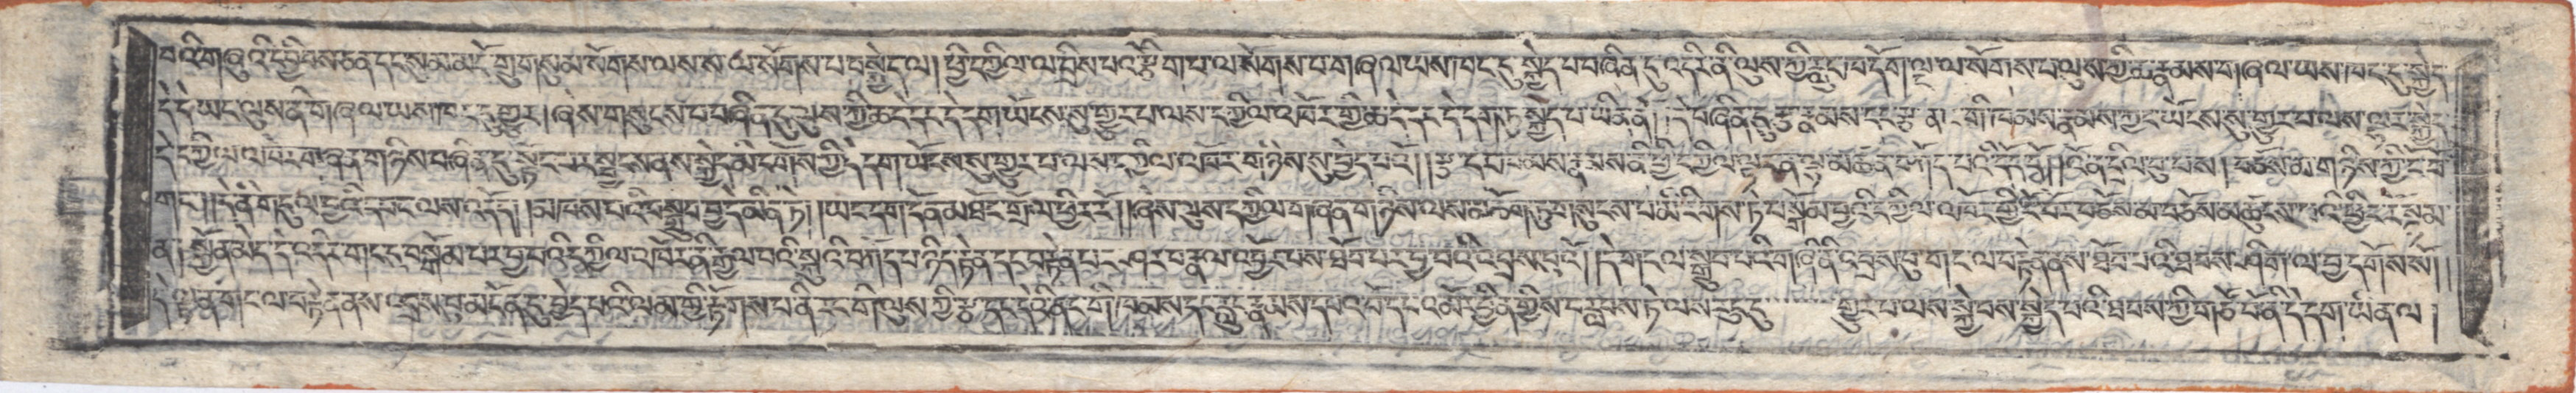པའི་གཞུའི་དབྱིབས་ཅན་དང་སུམ་མདོ་གྲུ་གསུམ་སོགས་ལས་ས་ལ་སོགས་པ་བསྐྱེད་ལ། ཕྱི་དཀྱིལ་ལ་བྲིས་པའི་རྩིག་པ་ལ་སོགས་པ་གཞལ་ཡས་ཁང་དུ་སྐྱེད་པ་བཞིན་དུ་འདིར་ནི་ལུས་ཀྱི་རླུང་ཁ་དོག་ལྔ་ལ་སོགས་པ་ལུས་ཀྱི་ཆ་རྣམས་གཞལ་ཡས་ཁང་དུ་སྐྱེད་
དེ་དེ་ཡང་ལུས་ནི་གཞལ་ཡས་ཁང་དུ་གྱུར། ཞེས་གསུངས་པ་བཞིན་དུ་ལུས་ཀྱི་ཆ་ངེ་དང་དེ་དག་ཡོངས་སུ་གྱུར་པ་ལས་དཀྱིལ་འཁོར་གྱི་ཆ་དེ་དང་དེ་དག་ཏུ་སྐྱེད་པ་ཡིན་ནོ། །དེ་བཞིན་དུ་རྩ་རྣམས་དང་རྩ་ནང་གི་ཁམས་རྣམས་ཀྱང་ཡོངས་སུ་གྱུར་པ་ལས་ལྷར་སྐྱེད་
དེ་དཀྱིལ་འཁོར་གཞན་གཉིས་བཞིན་དུ་སྟོང་པར་སྦྱངས་ནས་སྐྱེད་མི་དགོས་ཀྱི་དེ་དག་ཡོངས་སུ་གྱུར་པ་ལས་དཀྱིལ་འཁོར་གཉིས་སུ་བྱེད་པའོ། །རྩ་དང་ཁམས་རྣམས་ནི་ཕྱི་དཀྱིལ་ལྟར་ན་ལྷ་མཚན་བཀོད་པའི་དོད་དོ། །འོ་ན་དྲིལ་བུ་པས། བཅོས་མ་གཉིས་ཀྱི་ངོ་བོ་
གང་། །དེ་ནི་གདུལ་བྱའི་དབང་ལས་འདོད། །མཁས་པའི་བསྒྲུབ་བྱ་དེ་མིན་ཏེ། །ཡང་དག་དོན་མཐོང་གྲོལ་ཕྱིར་རོ། །ཞེས་ལུས་དཀྱིལ་གཞན་གཉིས་ལས་མཆོག་ཏུ་གསུངས་པ་མི་རིགས་ཏེ་བསྒོམ་བྱའི་དཀྱིལ་འཁོར་གྱི་ངོ་བོར་བཅོས་མ་བཅོས་མཚུངས་པའི་ཕྱིར་རོ་སྙམ་
ན༑ སྐྱོན་མེད་དེ་འདིར་གང་དུ་བསྒོམ་པར་བྱ་བའི་དཀྱིལ་འཁོར་ནི་རྲྒྱལ་བའི་སྐུའི་བཀོད་པ་ཉིད་རྟེན་དང་བརྟེན་པར་ཤར་བ་རྣལ་འབྱོར་པས་ཐོབ་པར་བྱ་བའི་འབྲས་བུའོ། །དེ་གང་ལ་སྒྲུབ་པའི་གཞི་ནི་འབྲས་བུ་གང་ལ་བརྟེན་ནས་ཐོབ་པའི་ཐབས་ཤིག་ལ་བྱ་དགོས་སོ། །
དེ་ལྟ་ན་གང་ལ་བརྟེན་ནས་འབྲས་བུ་མངོན་དུ་བྱེད་པའི་ལམ་གྱི་རྟོགས་པ་ནི་རང་གི་ལུས་ཀྱི་རྩ་དང་དེའི་ནང་གི་ཁམས་དང་རླུང་རྣམས་དཔའ་བོ་དཔའ་མོར་བྱིན་གྱིས་བརླབས་ཏེ་ལས་རུང་དུ་གྱུར་པ་ལས་སྐྱེ་བས་སྐྱེད་པའི་ཐབས་ཀྱི་གཙོ་བོ་ནི་དེ་དག་ཡིན་ལ།